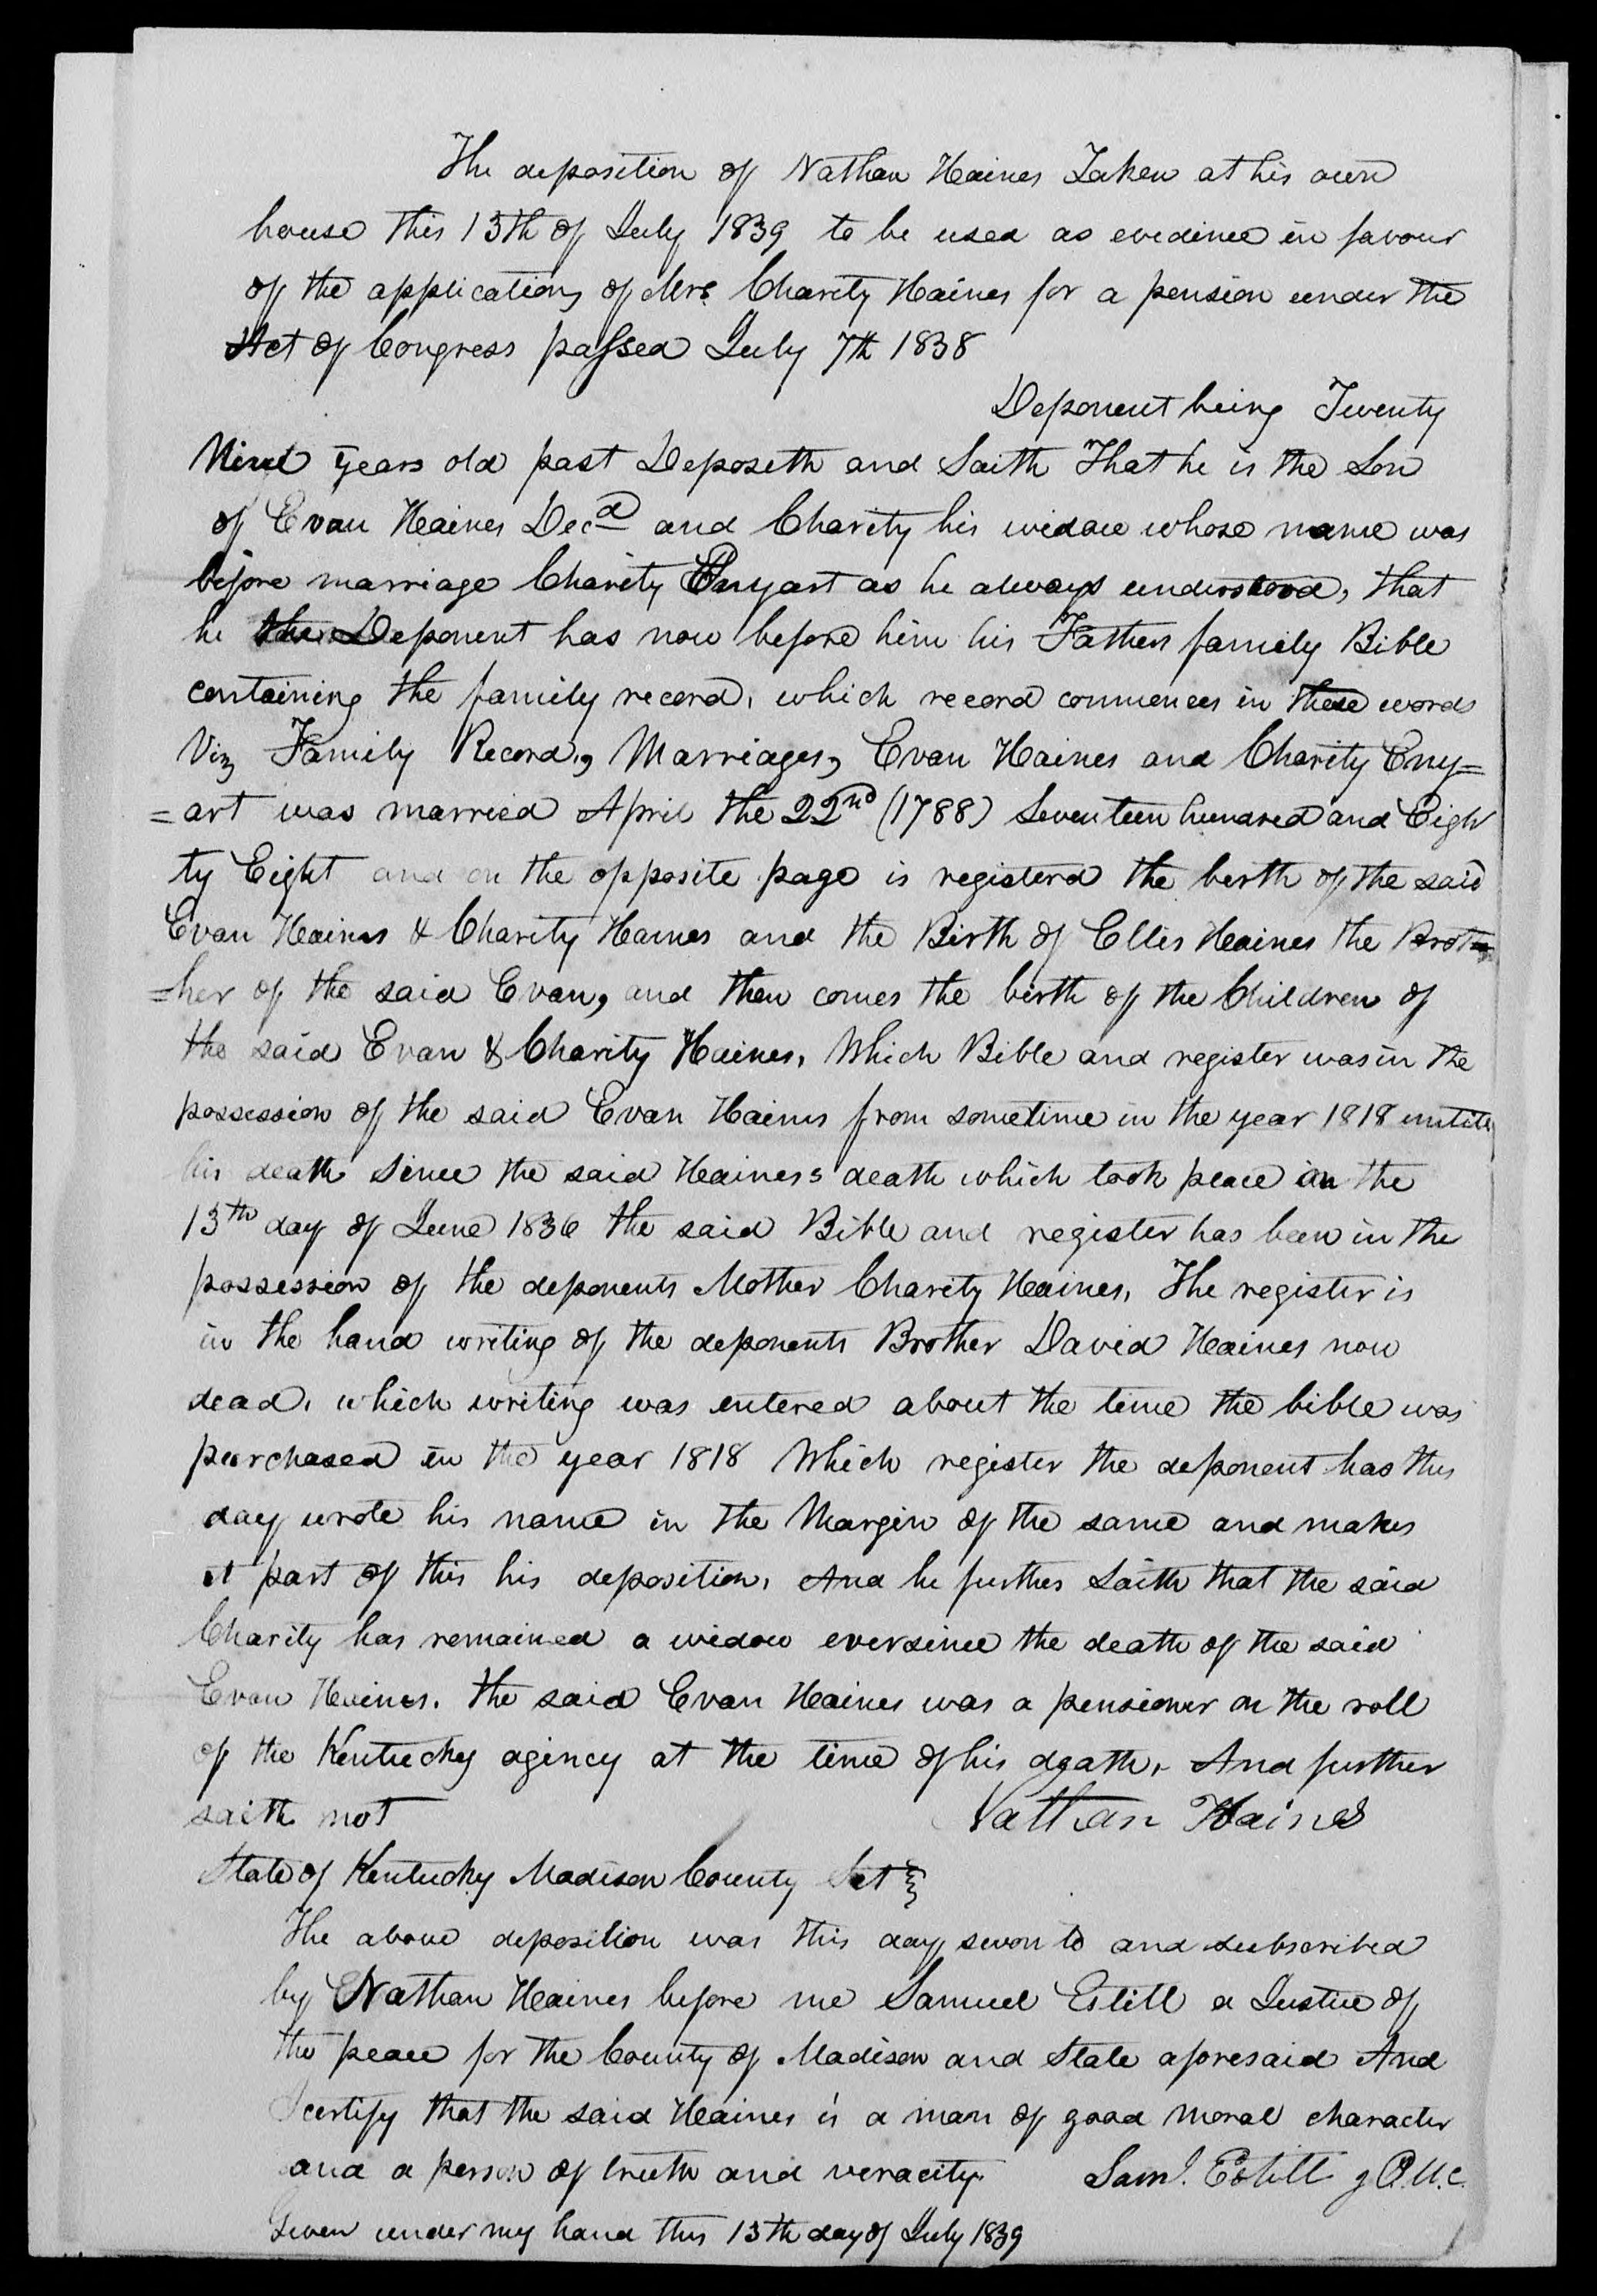the deposition of Nathan Haines take at his own house this 13th of July 183 to be used as evidence in favour of the application of Mrs. Charity Haines for a pension under the Act of Congress passed July 7th 1838.
Deponent being twenty nine years old  past Deposeth and Saith that he is the son of Evan Haines Dec'd and Charity his widow whose name was before marriage Charity Enyart as he always understood, that he the Deponent has now before him his Father family Bible  containing the family record, which record commences in these words Family Record,  Marriages, Evan Haines and Charity Enyart was married April the 22nd  (1788) Seventeen hundred and eighty eight. and on the opposite page is registered the birth of the said Evan Haines and Charity Haines and the Birth of Ellis Haines the Brother of the said Evan , and then comes the birth of the children of  the said Evan and Charity Haines, which Bible and register was in the possession of the said Evan Haines from sometime in the year 1818 until his death since the said Haines death which took place on the 13th of June 1836 the said Bible and register  has been in the possession of the deponents Mother Charity Haines.  The register is  in the hand writing of the deponent Brother David Haines now dead, which  writing was entered about the time the Bible was purchased in the year 1818. Which register the deponent has this day wrote his name   in the Margin of the same and makes it part of the deposition, and he further Saith  that the said Charity has remained a widow ever since the death of the said Evan Haines. The said Evan Haines was  a pensioner on the roll of the Kentucky agency  at the time of his death And further Saith not. 
                                        Nathan Haines


State of Kentucky Madison County
The above deposition was this day sworn to  and susbcribed  by Nathan Haines before me Samuel Estill a Justice of the peace  for the County of Madison and State aforesaid And I certify that the said Haines is a man of  of good moral character and a person of truth and veracity.
          Saml. Estill
Given under my hand this 13th day of July 1839.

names: Nathan Haines, Evan Haines, Charity Enyart, Nathan Haines, Evan Haines, Evan Haines, Haines, Nathan Haines, Haines, Charity Haines, Saml Estill, Samuel Estill, David Haines, Charity Haines, Evan Haines, Evan, Charity, Charity, Ellis Haines, Evan Haines, Evan Haines, Evan Haines, Charity Enyart, Charity Haines, Charity Haines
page: 13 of 34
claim: widow's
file: W. 8897, Evan Haines, Ga